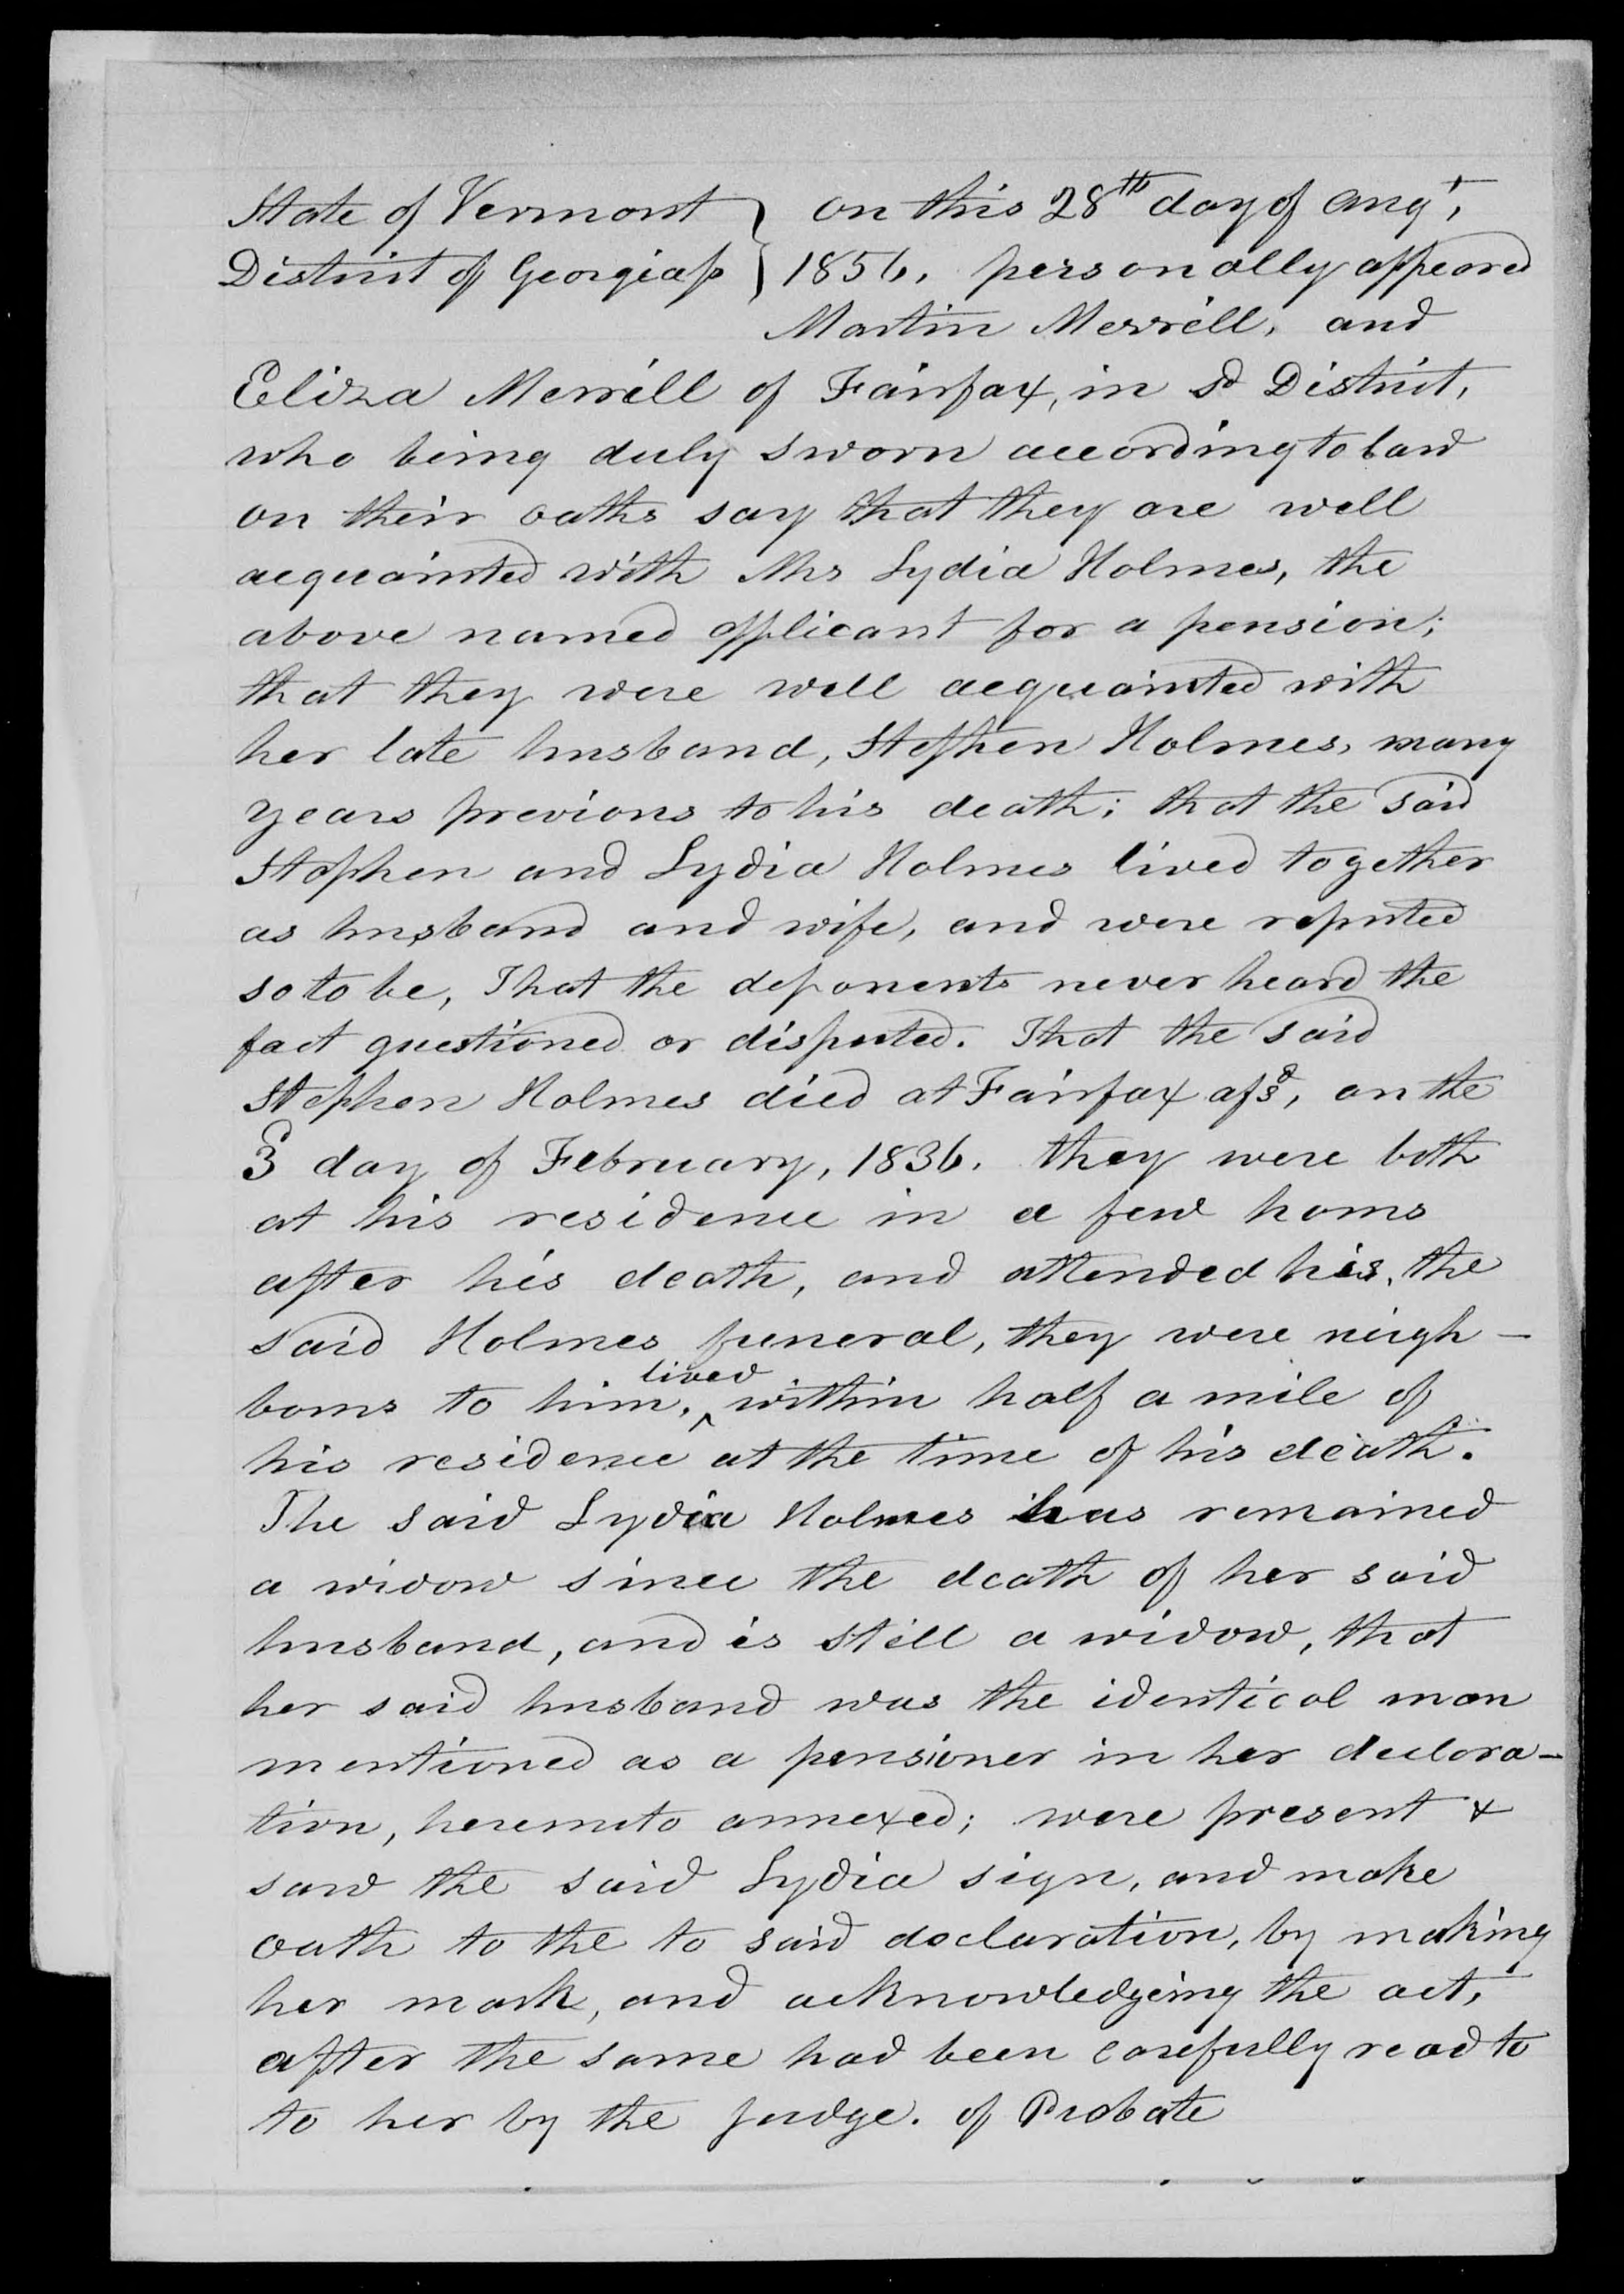State of Vermont
District of Georgia ss

On this 28th day of Augt, 1856, personally appeared Martin Merrill, and Eliza Merrill of Fairfax, in sd District, who being duly sworn according to [illegible] on their oaths say that they are well acquainted with Mrs Lydia Holmes, the above named applicant for a pension; that they were well acquainted with her late husband, Stephen Holmes, many years previous to his death; that the said Stephen and Lydia Holmes lived together as husband and wife, and were reported so to be, that the deponents never heard the fact questioned or disputed. That the said Stephen Holmes died at Fairfax afsd, on the 3d day of February, 1836, they were both at his residence in [illegible] few hours after his death, and attended his, the said Holmes funeral, they were neighbours to him, ^lived within half a mile of his residence at the time of his death. The said Lydia Holmes has remained a widow since the death of her said husband, and is still a widow, that her said husband was the identical man mentioned as a pensioner in her declaration, hereunto annexed; were present & saw the said Lydia sign, and make oath to the to said declaration, by making her mark, and acknowledging the act, after the same had been carefully read to her by the Judge of Probate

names: Stephen Holmes, Lydia, Stephen Holmes, Lydia Holmes, Holmes, Lydia Holmes, Martin Merrill, Lydia Holmes, Stephen Holmes, Eliza Merrill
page: 20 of 72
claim: widow's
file: W. 7771, Stephen Holmes, Vt.